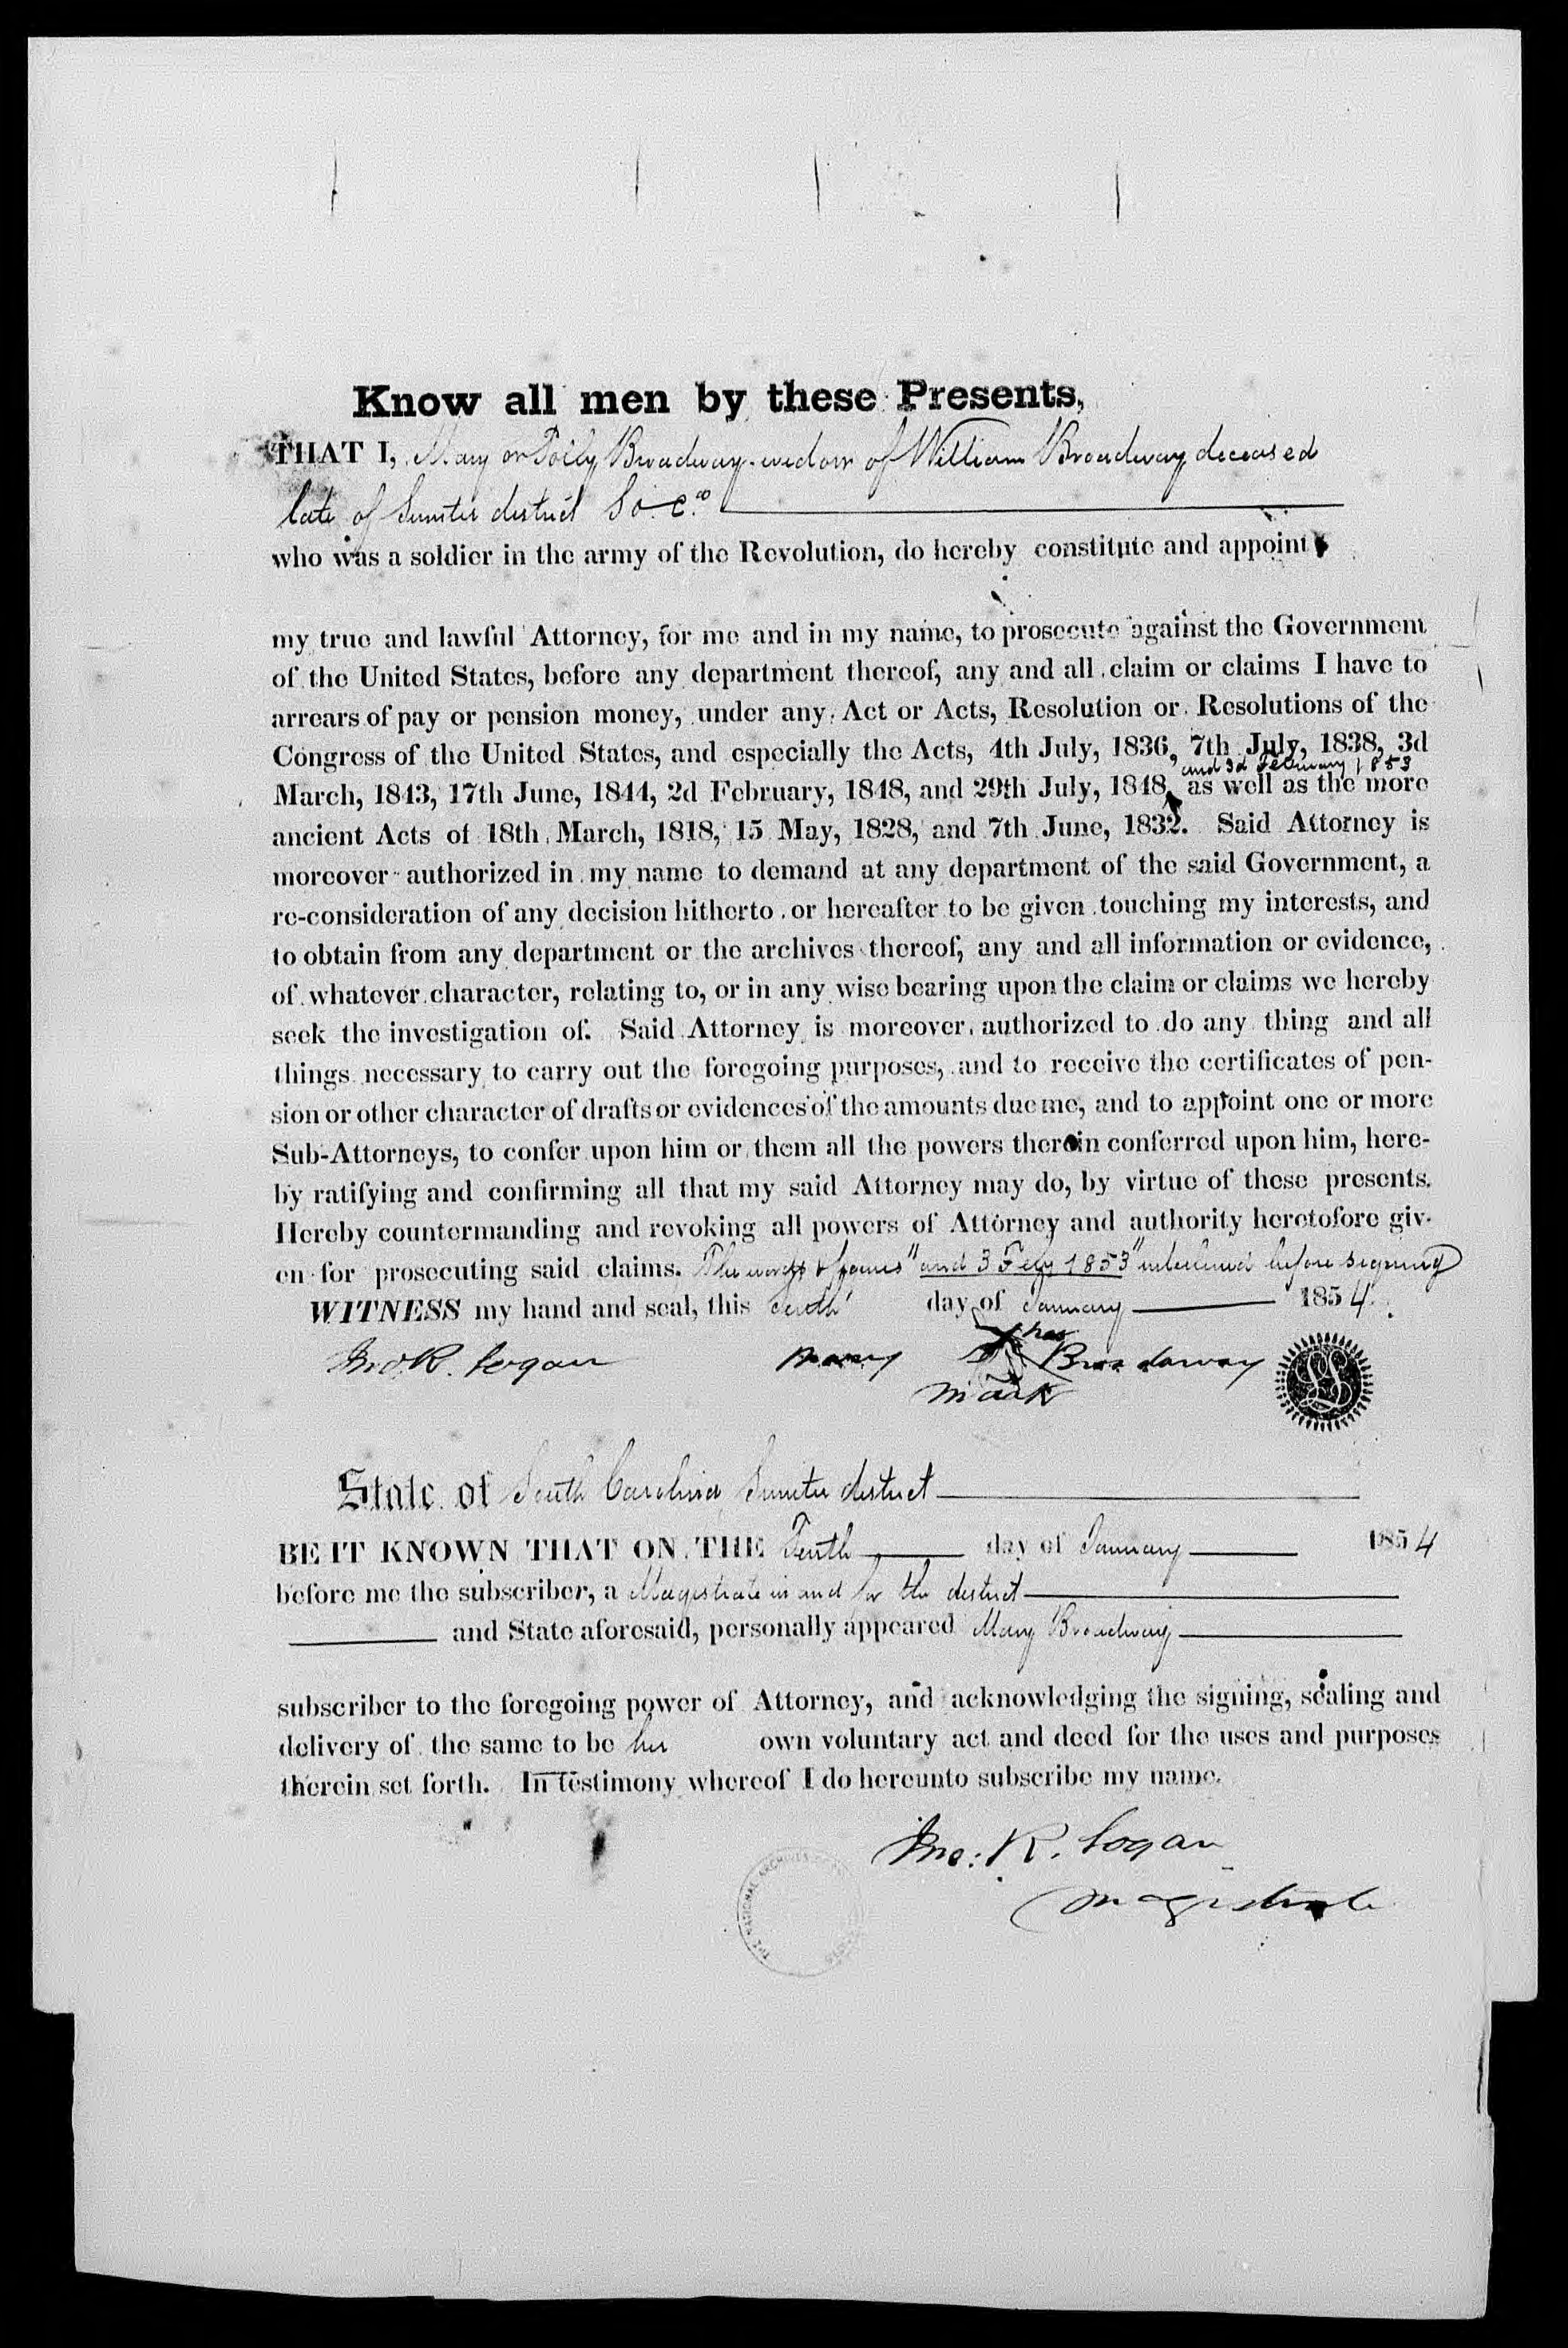Know all men by these Presents,
THAT I, Mary or Polly Broadway widow of William Broadway deceased
late of Sumter District So. ca.
who was a soldier in the army of the Revolution, do hereby constitute and appoint

my true and lawful Attorney, for me and in my name, to prosecute against the Government of the United States, before any department thereof, any and all claim  aims I have to
arrears of pay or pension money, under any Act or Acts, Resolution or Resolutions of the
Congress of the United States, and especially the Acts 4th July, 1836, 7th July, 1838, 3d
March, 1843, 17th June, 1844, 2d February, 1848, and 29th July, 18 and 3d February 1853 as well as the more
ancient Acts of 18th March, 1818, 15 May, 1828, and 7th June, 1832. Said Attorney is
moreover authorized in my name to demand at any department of the said Government, a
reconsideration of any decision hitherto or hereafter to be given touching my interests, and
to obtain from any department of the archives thereof, any and all information or evidence,
of whatever character, relating to or in any wise bearing upon the claim or claims we hereby
seek the investigation of said Attorney is moreover, authorized to do any thing and all
things necessary to carry out the foregoing purposes, and to receive the certificates of pension
or other character of drafts or evidences of the amounts due me, and to appoint one or more
Sub-Attorneys, to confer upon him or them all the powers therein conferred upon him, hereby
ratifying and confirming all that my said Attorney may do by virtue of these presents.
Hereby countermanding and revoking all powers of Attorney and authority heretofore given
for prosecuting said claims. The [illegible] " and 3 Feby 1853" [illegible] before signing
WITNESS my hand and seal, this tenth  day of January 1854.
                                                                                        her
 Jno  R. Logan                                            Mary        X    Broadway               SEAL
                                                                                       mark


State of South Carolina Sumter District
BE IT KNOWN THAT ON THE Tenth day of January- 1854
before me the subscriber, a Magistrate in and for the district
and State aforesaid, personally appeared Mary Broadway  
subscriber to the foregoing power of Attorney, and acknowledging the signing, sealing and
delivery of the same to be her     own voluntary act and deed for the uses and purposes
therein set forth. 

In testimony whereof I do hereunto subscribe my name.
Jno: R. Logan
Magistrate

[stamp]
THE NATIONAL ARCHIVES OF THE UNITED STATES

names: Mary Broadway, Mary Broadway, Jno R Logan, Mary Broadway, Jno R Logan, William Broadway, Polly Broadway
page: 91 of 98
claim: widow's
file: W. 8398, William Broadway, S.C.